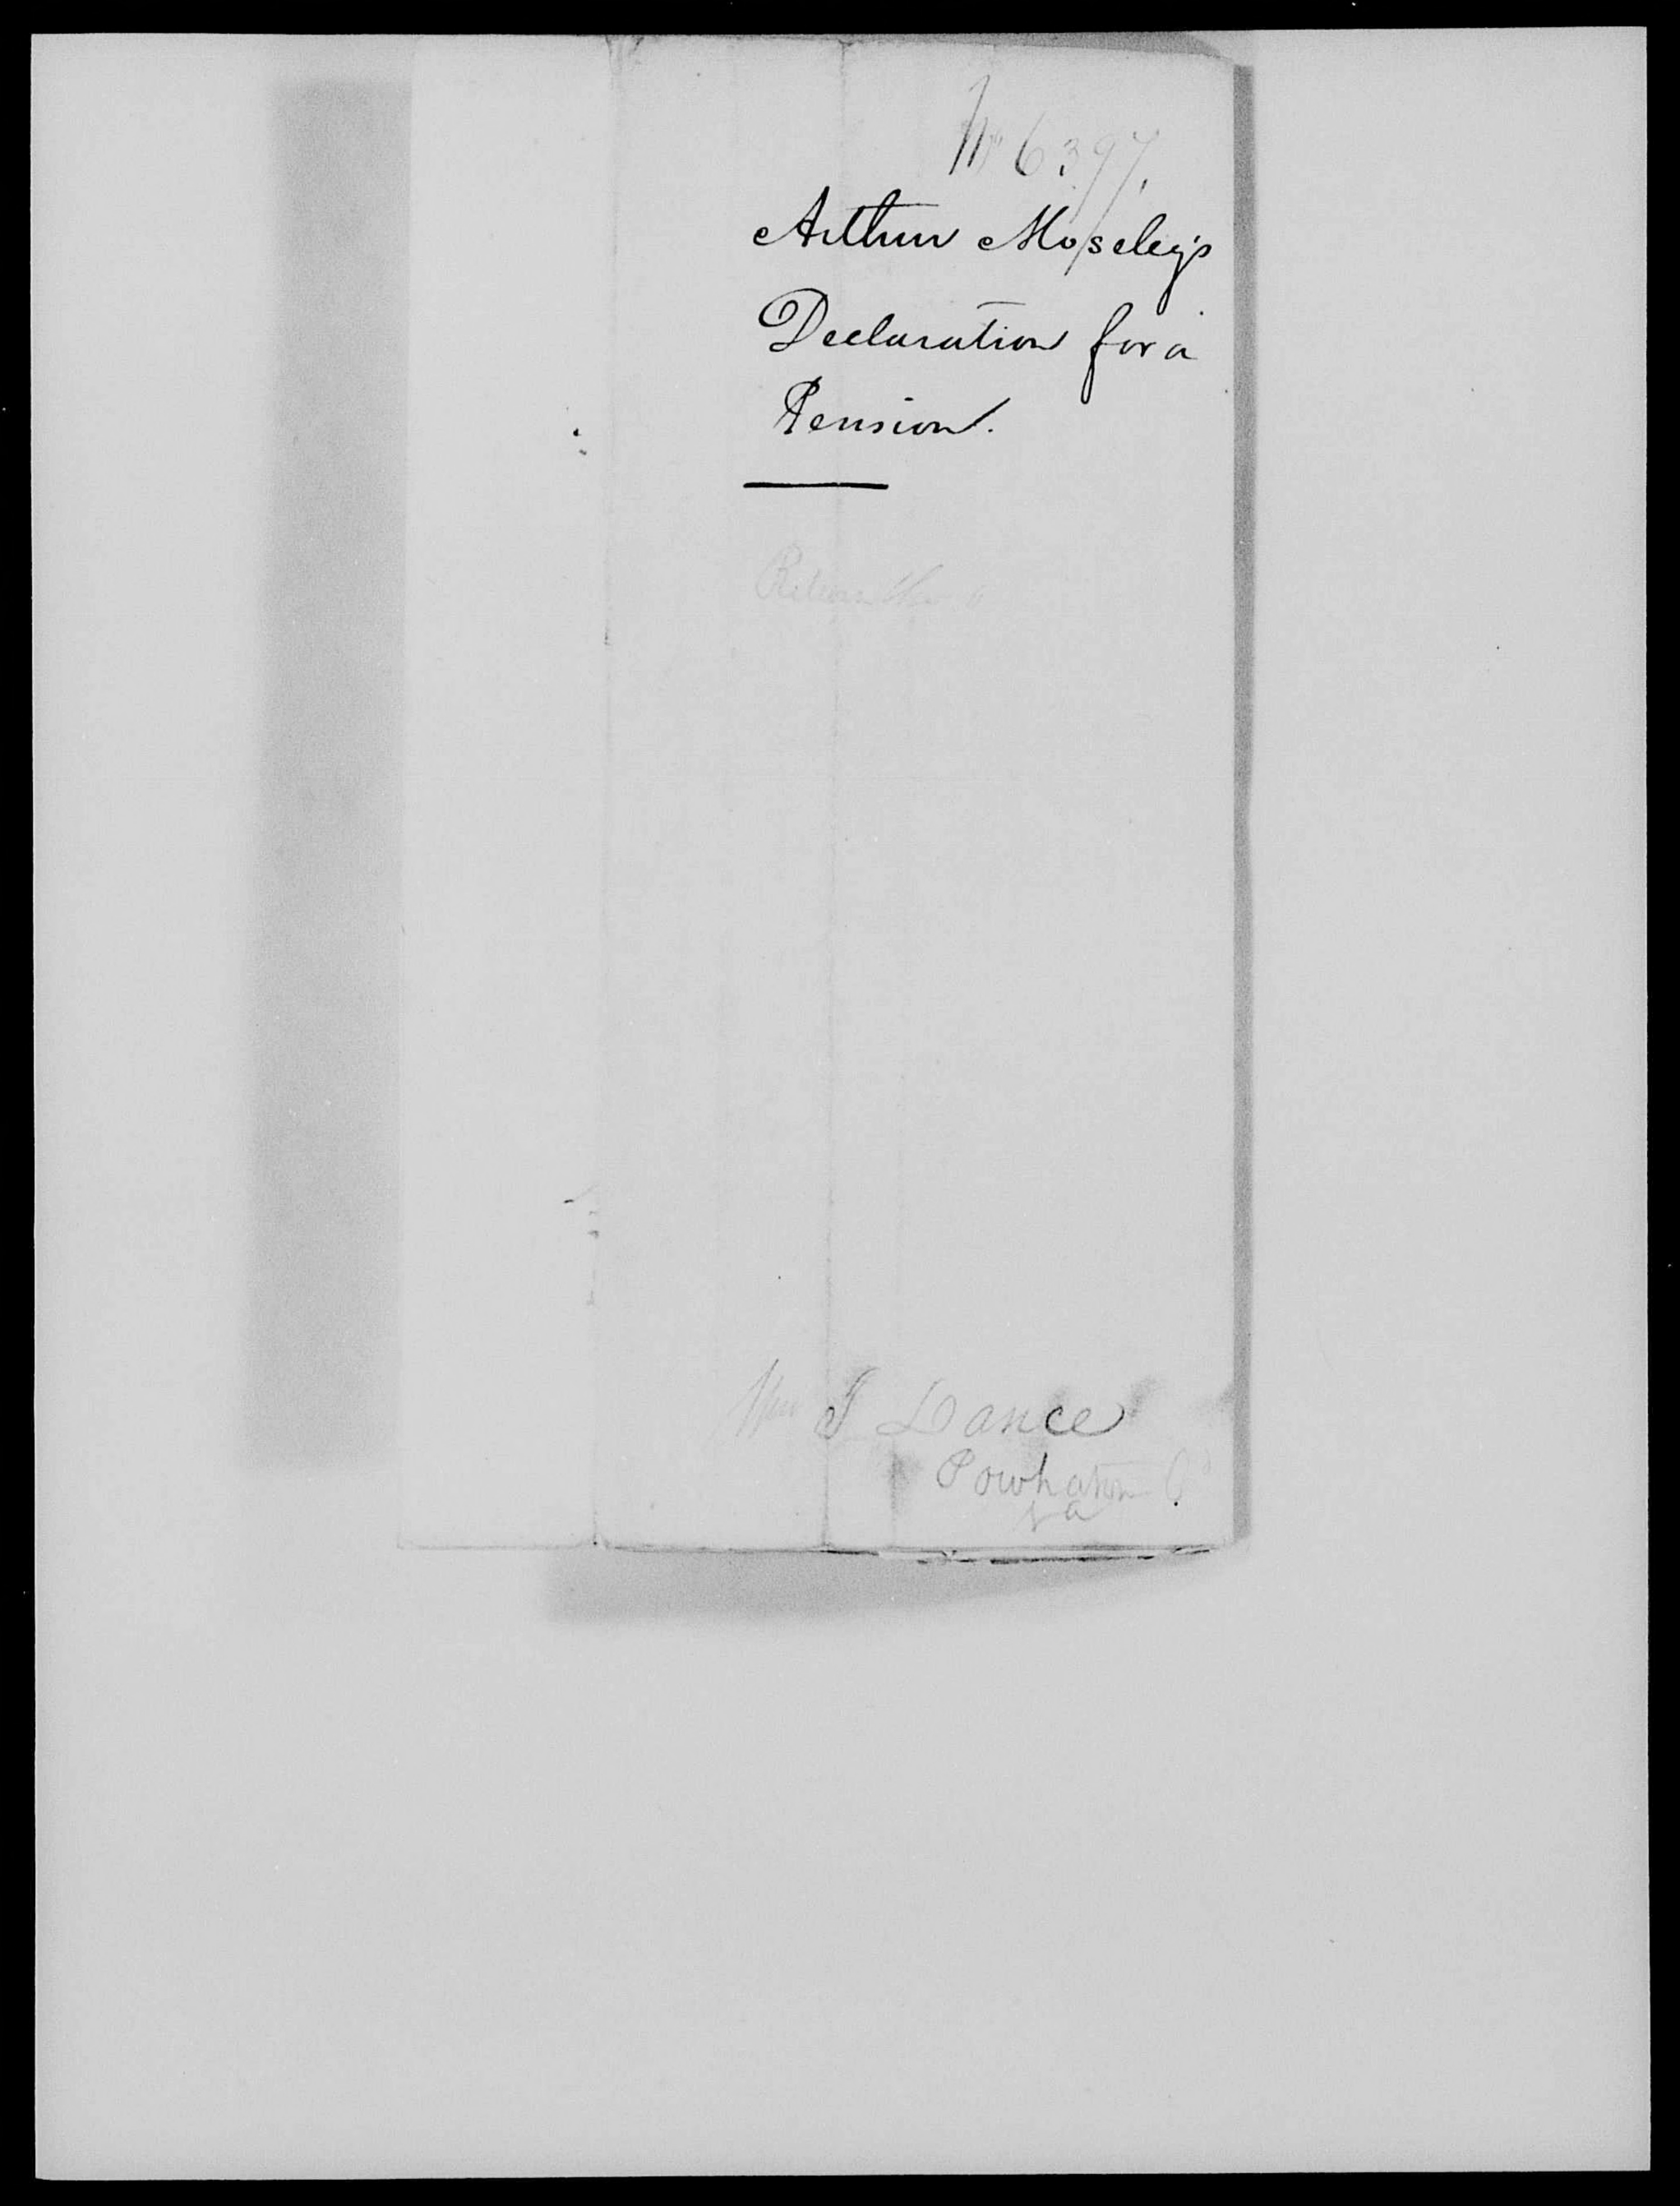No. 6397
Arthur Moseley's 
Declaration for a 
Pension

Wm. S. Dance
Powhatan [Illegible]
Va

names: Arthur Moseley; Wm S Dance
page: 3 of 21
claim: survivor's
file: S. 7240, for Arthur Moseley, Virginia